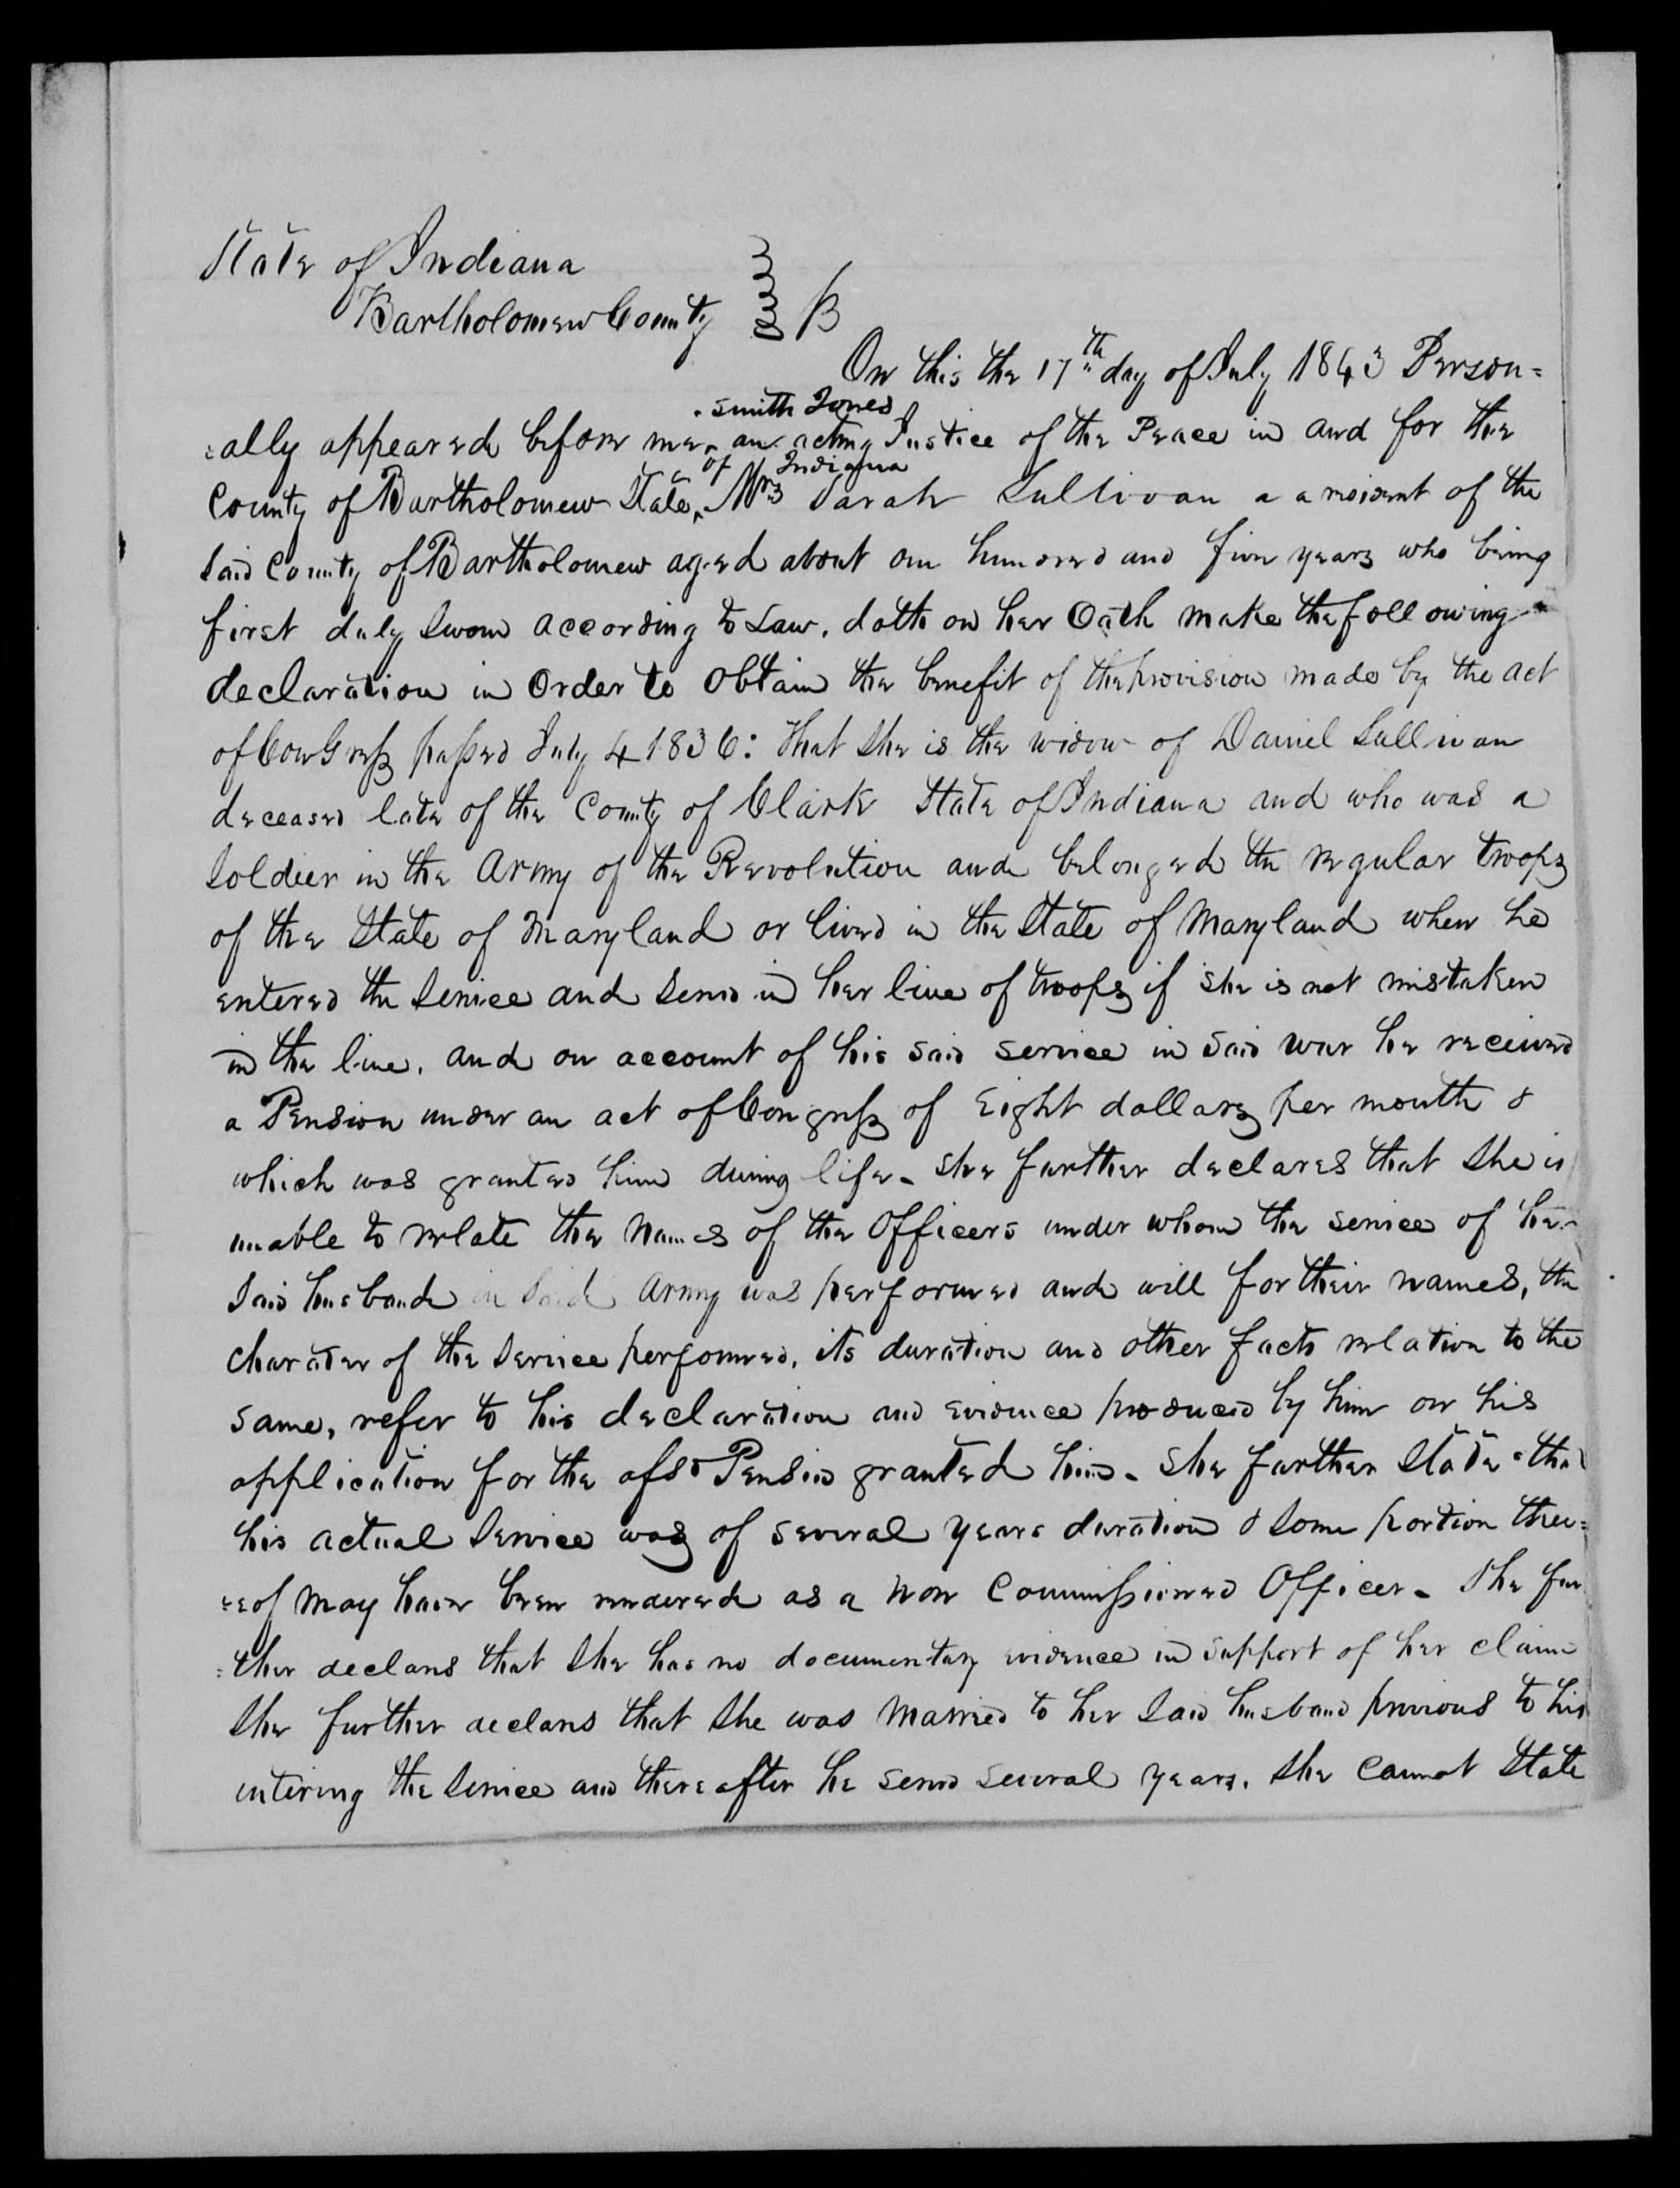State of Indiana Bartholomew County } ss

On this 17th day of July 1843 Personally appeared before me Smith Jones an acting Justice of the Peace in and for the County of Bartholomew State and of Indian. Mrs Sarah Sullivan a resident of the county of Bartholomew aged about one hundred and five years who being first duly sworn according to law, doth on her oath make the following declaration in order to obtain the benefit of the provisions made by the act of congress passed July 4 1836: that she is the widow of Daniel Sullivan deceased, late of the County of Clark, State of Indiana and who was a soldier in the Army of the Revolution and belonged to the regular troops of the state of Maryland or lived in the state of Maryland when he entered the service and served in [?] line of troops if she is not mistaken in the line, and on account of his said service in said war he received a Pension under an act of Congress of eight dollars per month which was granted him during life. She further declares that she is unable to relate the names of the officers under whom the services of said husband in said Army was performed, its duration or other facts relation to the same, refer to his declaration and evidence produced by him on his application for the afs'd pension granted him. She further states that his actual service was of several years duration and some portion of thereof may have been rendered as a non-commissioned officer. She further declares that she has no documentary evidence in support of her claims. She further declares that she was married to her said husband previous to his entering the service and thereafter he served several years. She cannot state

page: 15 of 78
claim: widow's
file: W. 25,169, for Daniel Sullivan, Maryland